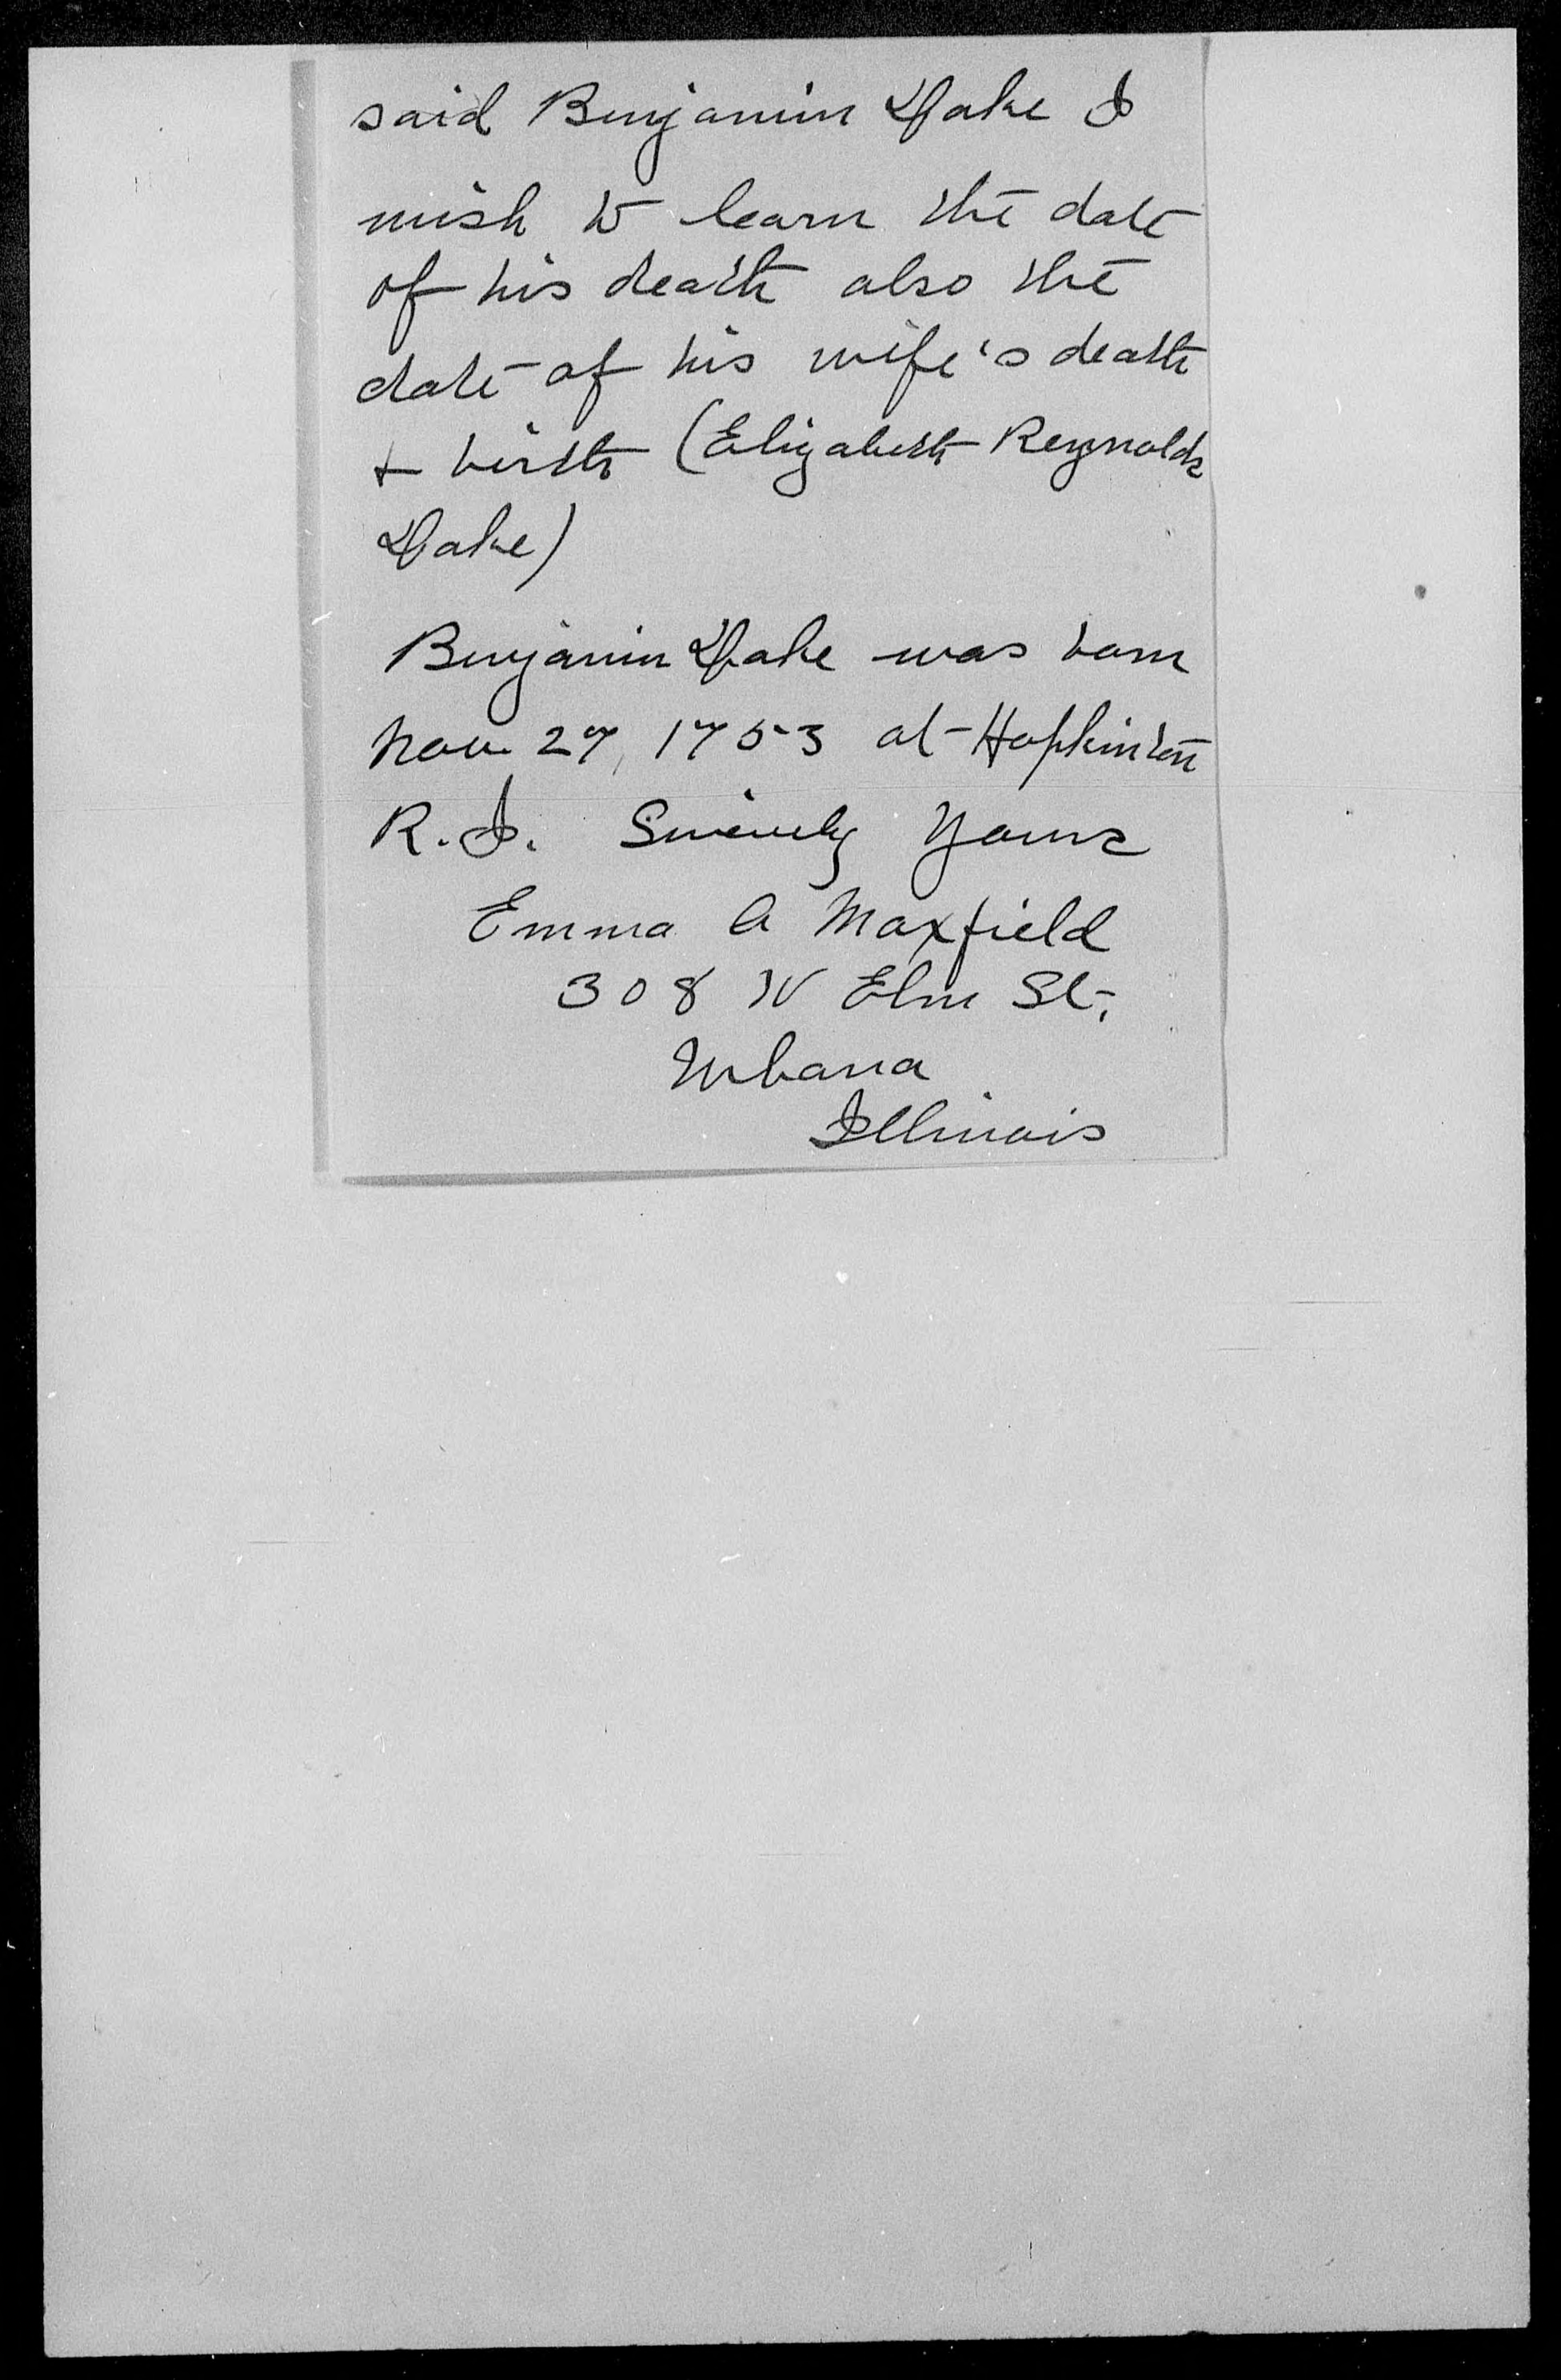said Benjamin Dake I wish to learn the date of his death also the date of his wife's death & birth (Elizabeth Reynolds Dake)
Benjamin Dake was born Nov 27, 1753 at Hopkinton R.I. Sincerely yours 
Emma A Maxfield 
308 W. Elm St. 
Urbana, Illinois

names: Elizabeth Reynolds Dake, Benjamin Dake, Emma A Maxfield, Benjamin Dake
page: 39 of 42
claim: rejected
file: R. 2,625, Benjamin Dake, R.I.